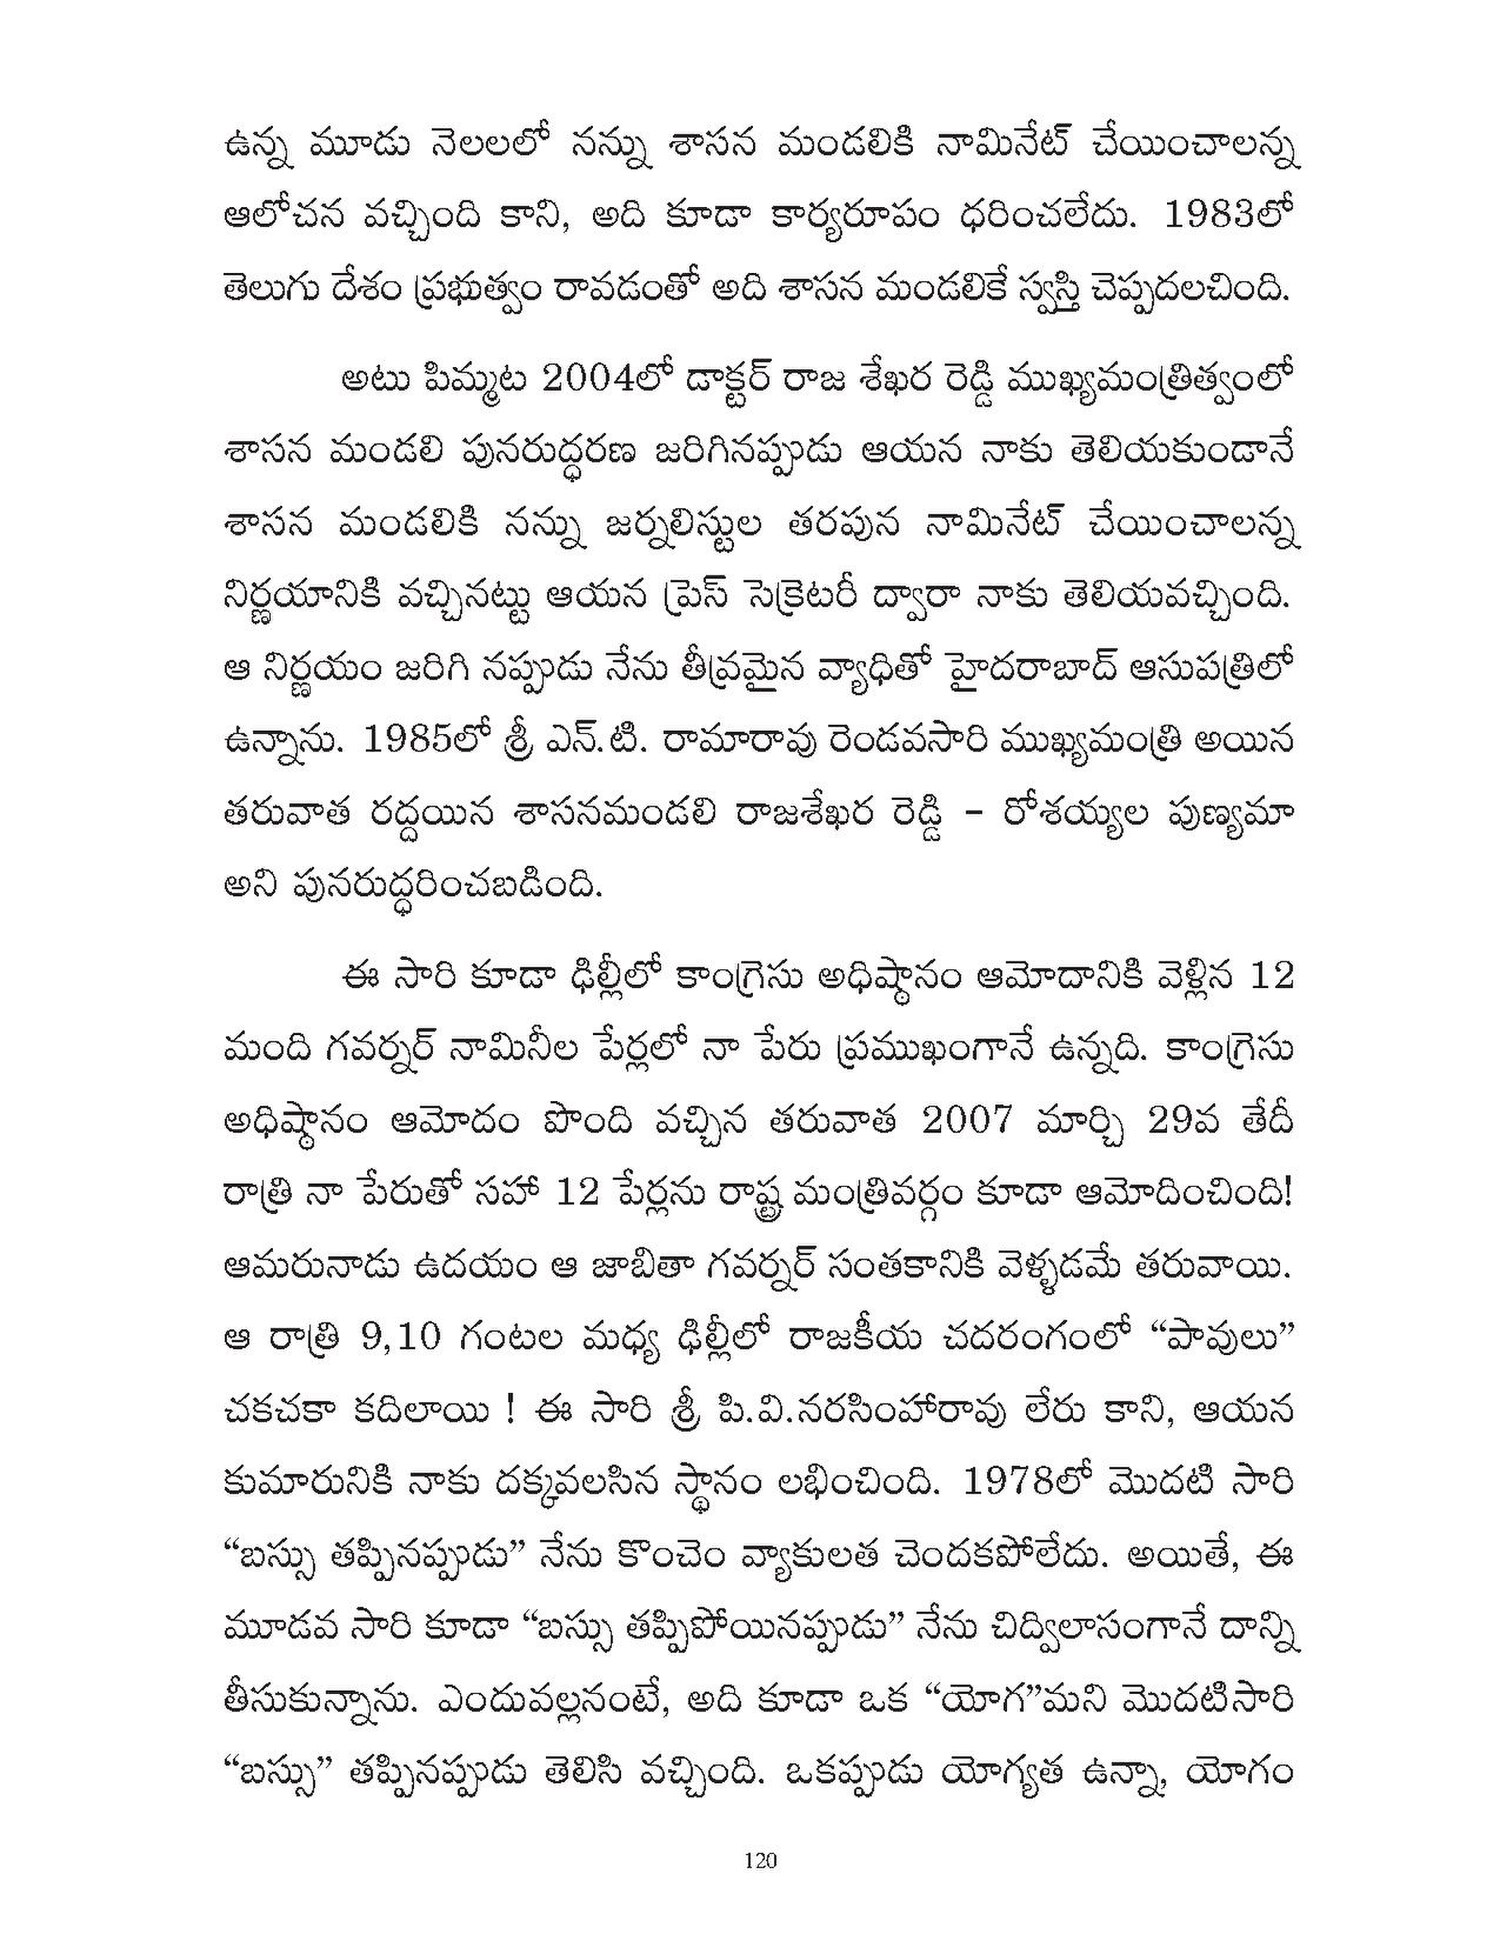ఉన్న మూడు నెలలలో నన్ను శాసన మండలికి నామినేట్‌ చేయించాలన్న
ఆలోచన వచ్చింది కాని, అది కూడా కార్యరూపం ధరించలేదు. 1983లో
తెలుగు దేశం ప్రభుత్వం రావడంతో అది శాసన మండలికే స్వస్తి చెప్పదలచింది.

అటు పిమ్మట 2004లో డాక్టర్ రాజ శేఖర రెడ్డి ముఖ్యమంత్రిత్వంలో
శాసన మండలి పునరుద్ధరణ జరిగినప్పుడు ఆయన నాకు తెలియకుండనే
శాసన మండలికి నన్ను జర్నలిస్టుల తరపున నామినేట్‌ చేయించాలన్న
నిర్ణయానికి వచ్చినట్టు ఆయన ప్రెస్‌ సెక్రెటరీ ద్వారా నాకు తెలియవచ్చింది.
ఆ నిర్ణయం జరిగి నప్పుడు నేను తీవ్రమైన వ్యాధితో హైదరాబాద్‌ ఆసుపత్రిలో
ఉన్నాను. 1985లో శ్రీ ఎన్‌.టి. రామారావు రెండవసారి ముఖ్యమంత్రి అయిన
తరువాత రద్దయిన శాసనమండలి రాజశేఖర రెడ్డి - రోశయ్యల పుణ్యమా
అని పునరుద్ధరించబడింది.

ఈ సారి కూడా ఢిల్లీలో కాంగ్రెసు అధిష్ఠానం ఆమోదానికి వెళ్లిన 12
మంది గవర్నర్‌ నామినీల పేర్లలో నా పేరు ప్రముఖంగానే ఉన్నది. కాంగ్రెసు
అధిష్ఠానం ఆమోదం పొంది వచ్చిన తరువాత 2007 మార్చి 29వ తేదీ
రాత్రి నా పేరుతో సహా 12 పేర్లను రాష్ట్ర మంత్రివర్గం కూడా ఆమోదించింది!
ఆమరునాడు ఉదయం ఆ జాబితా గవర్నర్‌ సంతకానికి వెళ్ళడమే తరువాయి.
ఆ రాత్రి 9,10 గంటల మధ్య ఢిల్లీలో రాజకీయ చదరంగంలో "పావులు"
చకచకా కదిలాయి ! ఈ సారి శ్రీ పి.వి.నరసింహారావు లేరు కాని, ఆయన
కుమారునికి నాకు దక్కవలసిన స్థానం లభించింది. 1978లో మొదటి సారి
"బస్సు తప్పినప్పుడు" నేను కొంచెం వ్యాకులత చెందకపోలేదు. అయితే, ఈ
మూడవ సారి కూడా "బస్సు తప్పిపోయినప్పుడు" నేను చిద్విలాసంగానే దాన్ని
తీసుకున్నాను. ఎందువల్లనంటే, అది కూడా ఒక "యోగ"మని మొదటిసారి
"బస్సు" తప్పినప్పుడు తెలిసి వచ్చింది. ఒకప్పుడు యోగ్యత ఉన్నా, యోగం